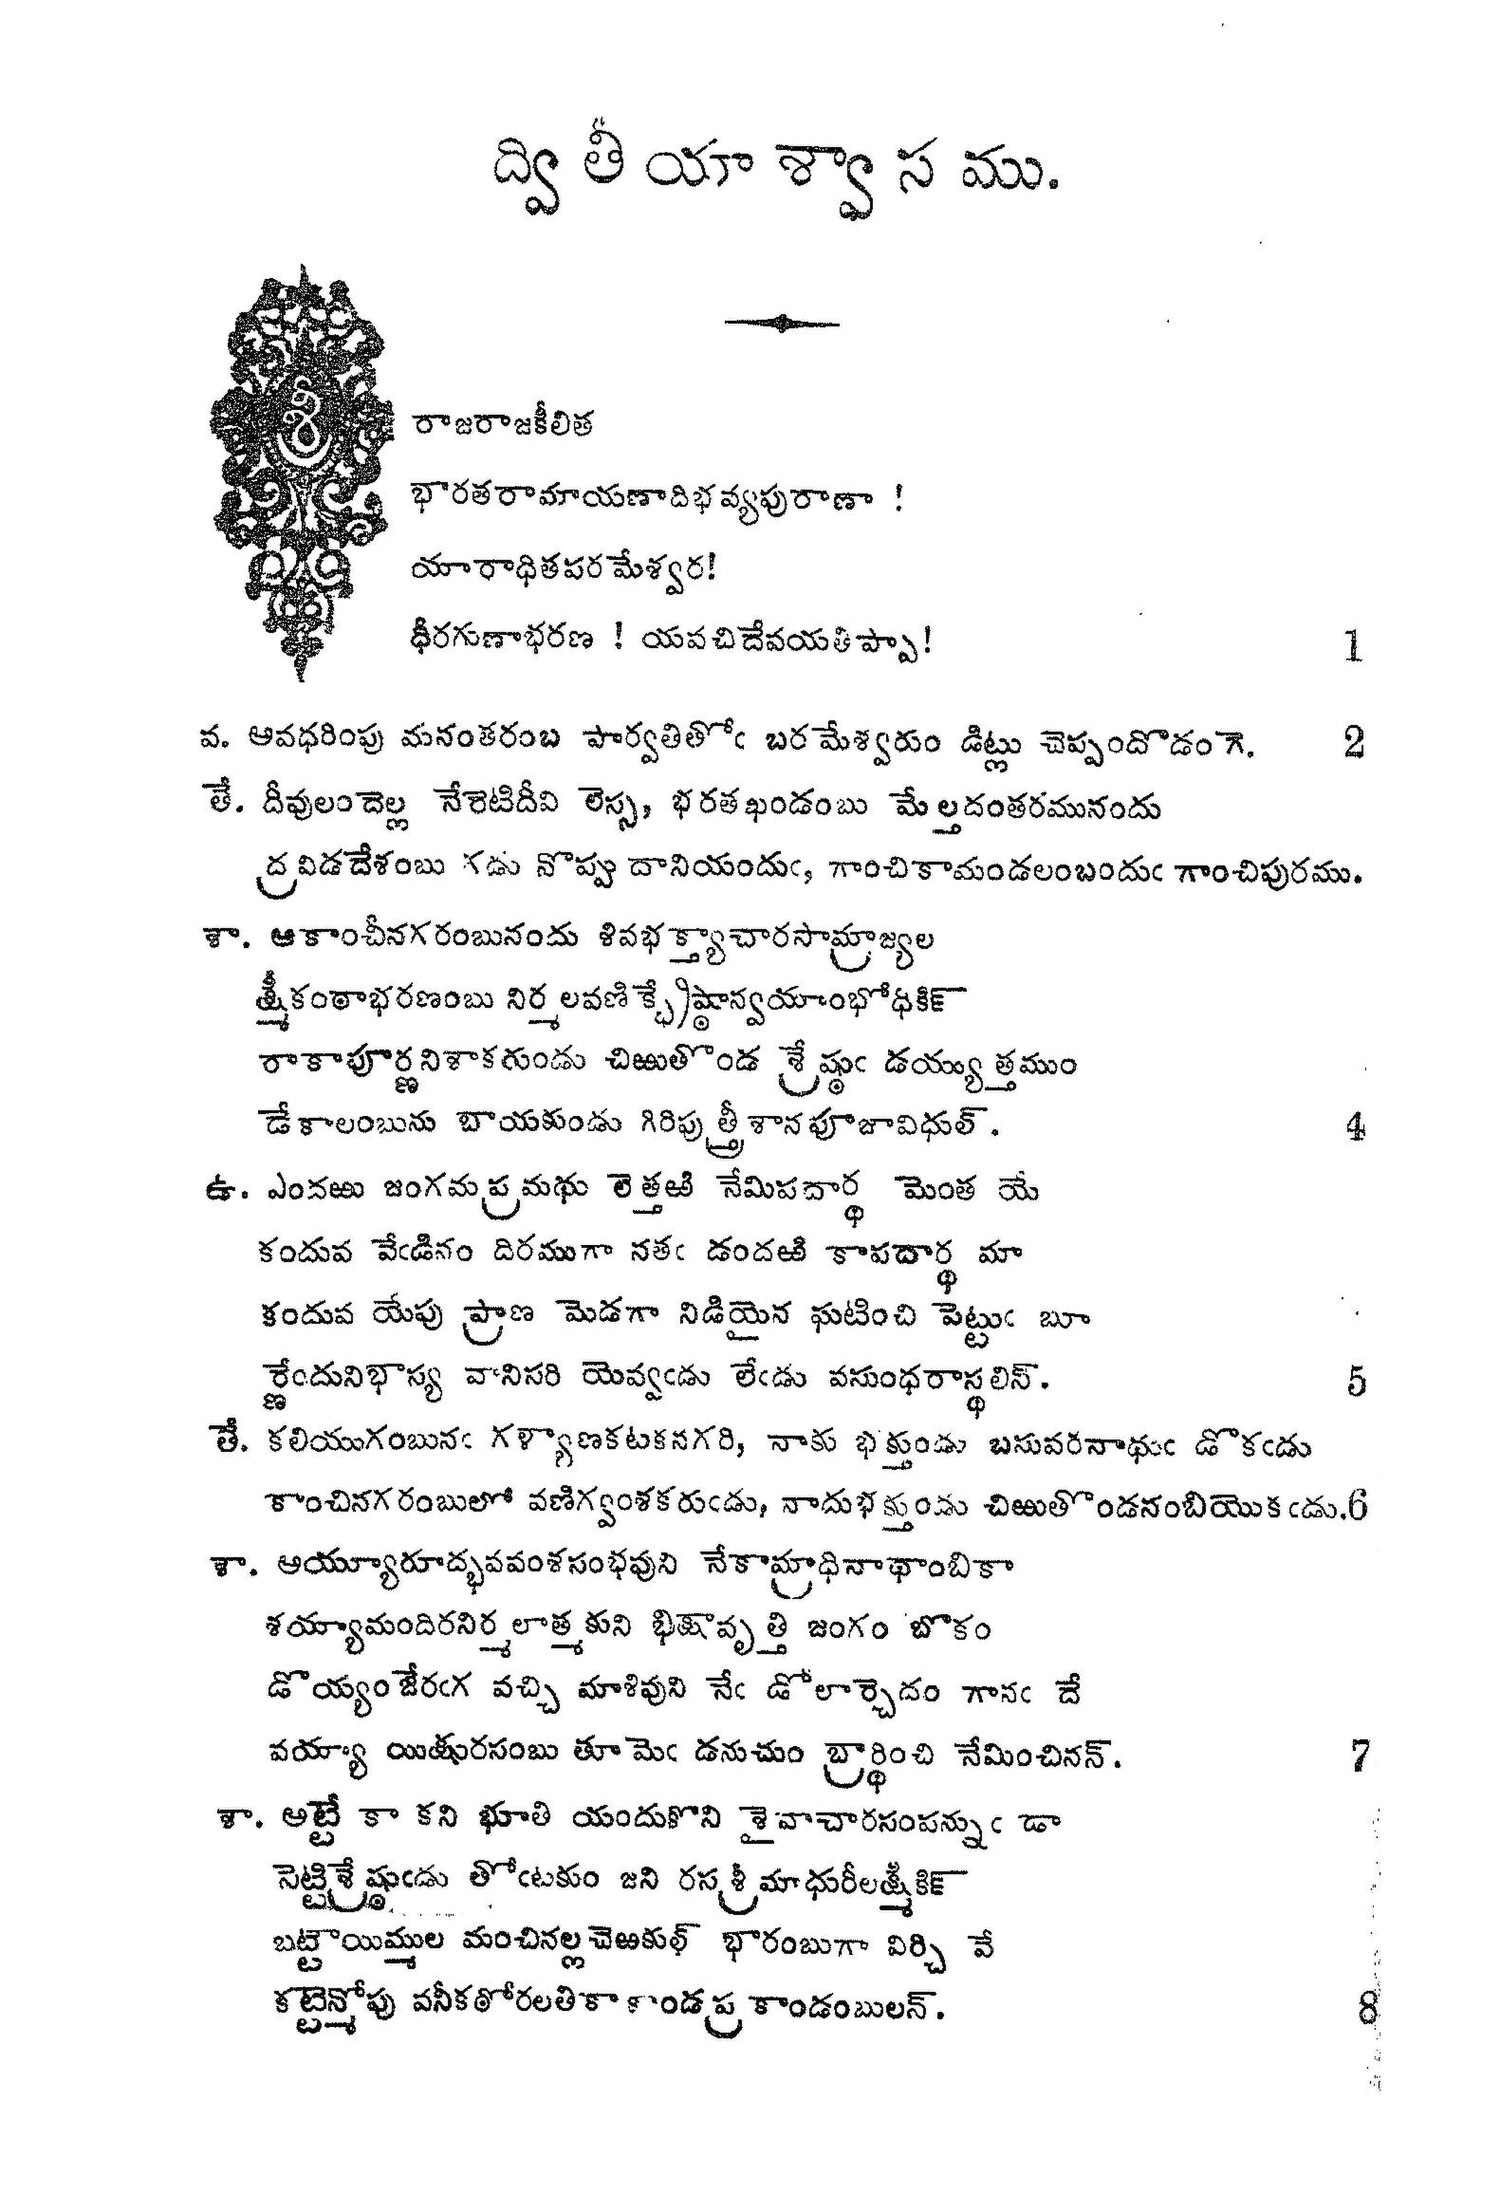ద్వితీయాశ్వాసము.

శ్రీరాజరాజకీలిత
భారతరామాయణాదిభవ్యపురాణా!
యారాధితపరమేశ్వర!
ధీరగుణాభరణ! యవచిదేవయతిప్పా! 1

వ. అవధరింపు మనంతరంబ పార్వతితోఁ బరమేశ్వరుం డిట్లు చెప్పందొడంగె. 2

తే. దీవులందెల్ల నేరెటిదీవి లెస్స
భరతఖండంబు మేల్తదంతరమునందు
ద్రవిడదేశంబు గడు నొప్పు దానియందుఁ
గాంచికామండలంబందుఁ గాంచిపురము. 3

శా. ఆకాంచీనగరంబునందు శివభక్త్యాచారసామ్రాజ్యల
క్ష్మీకంఠాభరణంబు నిర్మలవణిక్శ్రేష్ఠాన్వయాంభోధికిన్
రాకాపూర్ణనిశాకరుండు చిఱుతొండశ్రేష్ఠుఁ డయ్యుత్తముం
డేకాలంబును బాయకుండు గిరిపుత్త్రీశానపూజావిధుల్. 4

ఉ. ఎందఱు జంగమప్రమథు లెత్తఱి నేమిపదార్థ మెంత యే
కందువ వేఁడినం దిరముగా నతఁ డందఱి కాపదార్థ మా
కందువ యేపు ప్రాణ మెడగా నిడియైన ఘటించి పెట్టుఁ బూ
ర్ణేందునిభాస్య వానిసరి యెవ్వఁడు లేఁడు వసుంధరాస్థలిన్. 5

తే. కలియుగంబునఁ గళ్యాణకటకనగరి
నాకు భక్తుండు బసువరనాథుఁ డొకఁడు
కాంచినగరంబులో వణిగ్వంశకరుఁడు
నాదుభక్తుండు చిఱుతొండనంబి యొకఁడు. 6

శా. అయ్యూరూద్భవవంశసంభవుని నేకామ్రాధినాథాంబికా
శయ్యామందిరనిర్మలాత్మకుని భిక్షావృత్తి జంగం బొకం
డొయ్యం జేరఁగ వచ్చి మాశివుని నేఁ డోలార్చెదం గానఁ దే
వయ్యా యిక్షురసంబు తూమెఁ డనుచుం బ్రార్థించి నేమించినన్. 7

శా. అట్టే కా కని భూతి యందుకొని శైవాచారసంపన్నుఁ డా
సెట్టిశ్రేష్ఠుఁడు తోఁటకుం జని రసశ్రీమాధురీలక్ష్మికిన్
బట్టౌయిమ్ముల మంచినల్లచెఱకుల్ భారంబుగా విర్చి వే
కట్టెన్మోపు వనీకఠోరలతికాకాండప్రకాండంబులన్. 8